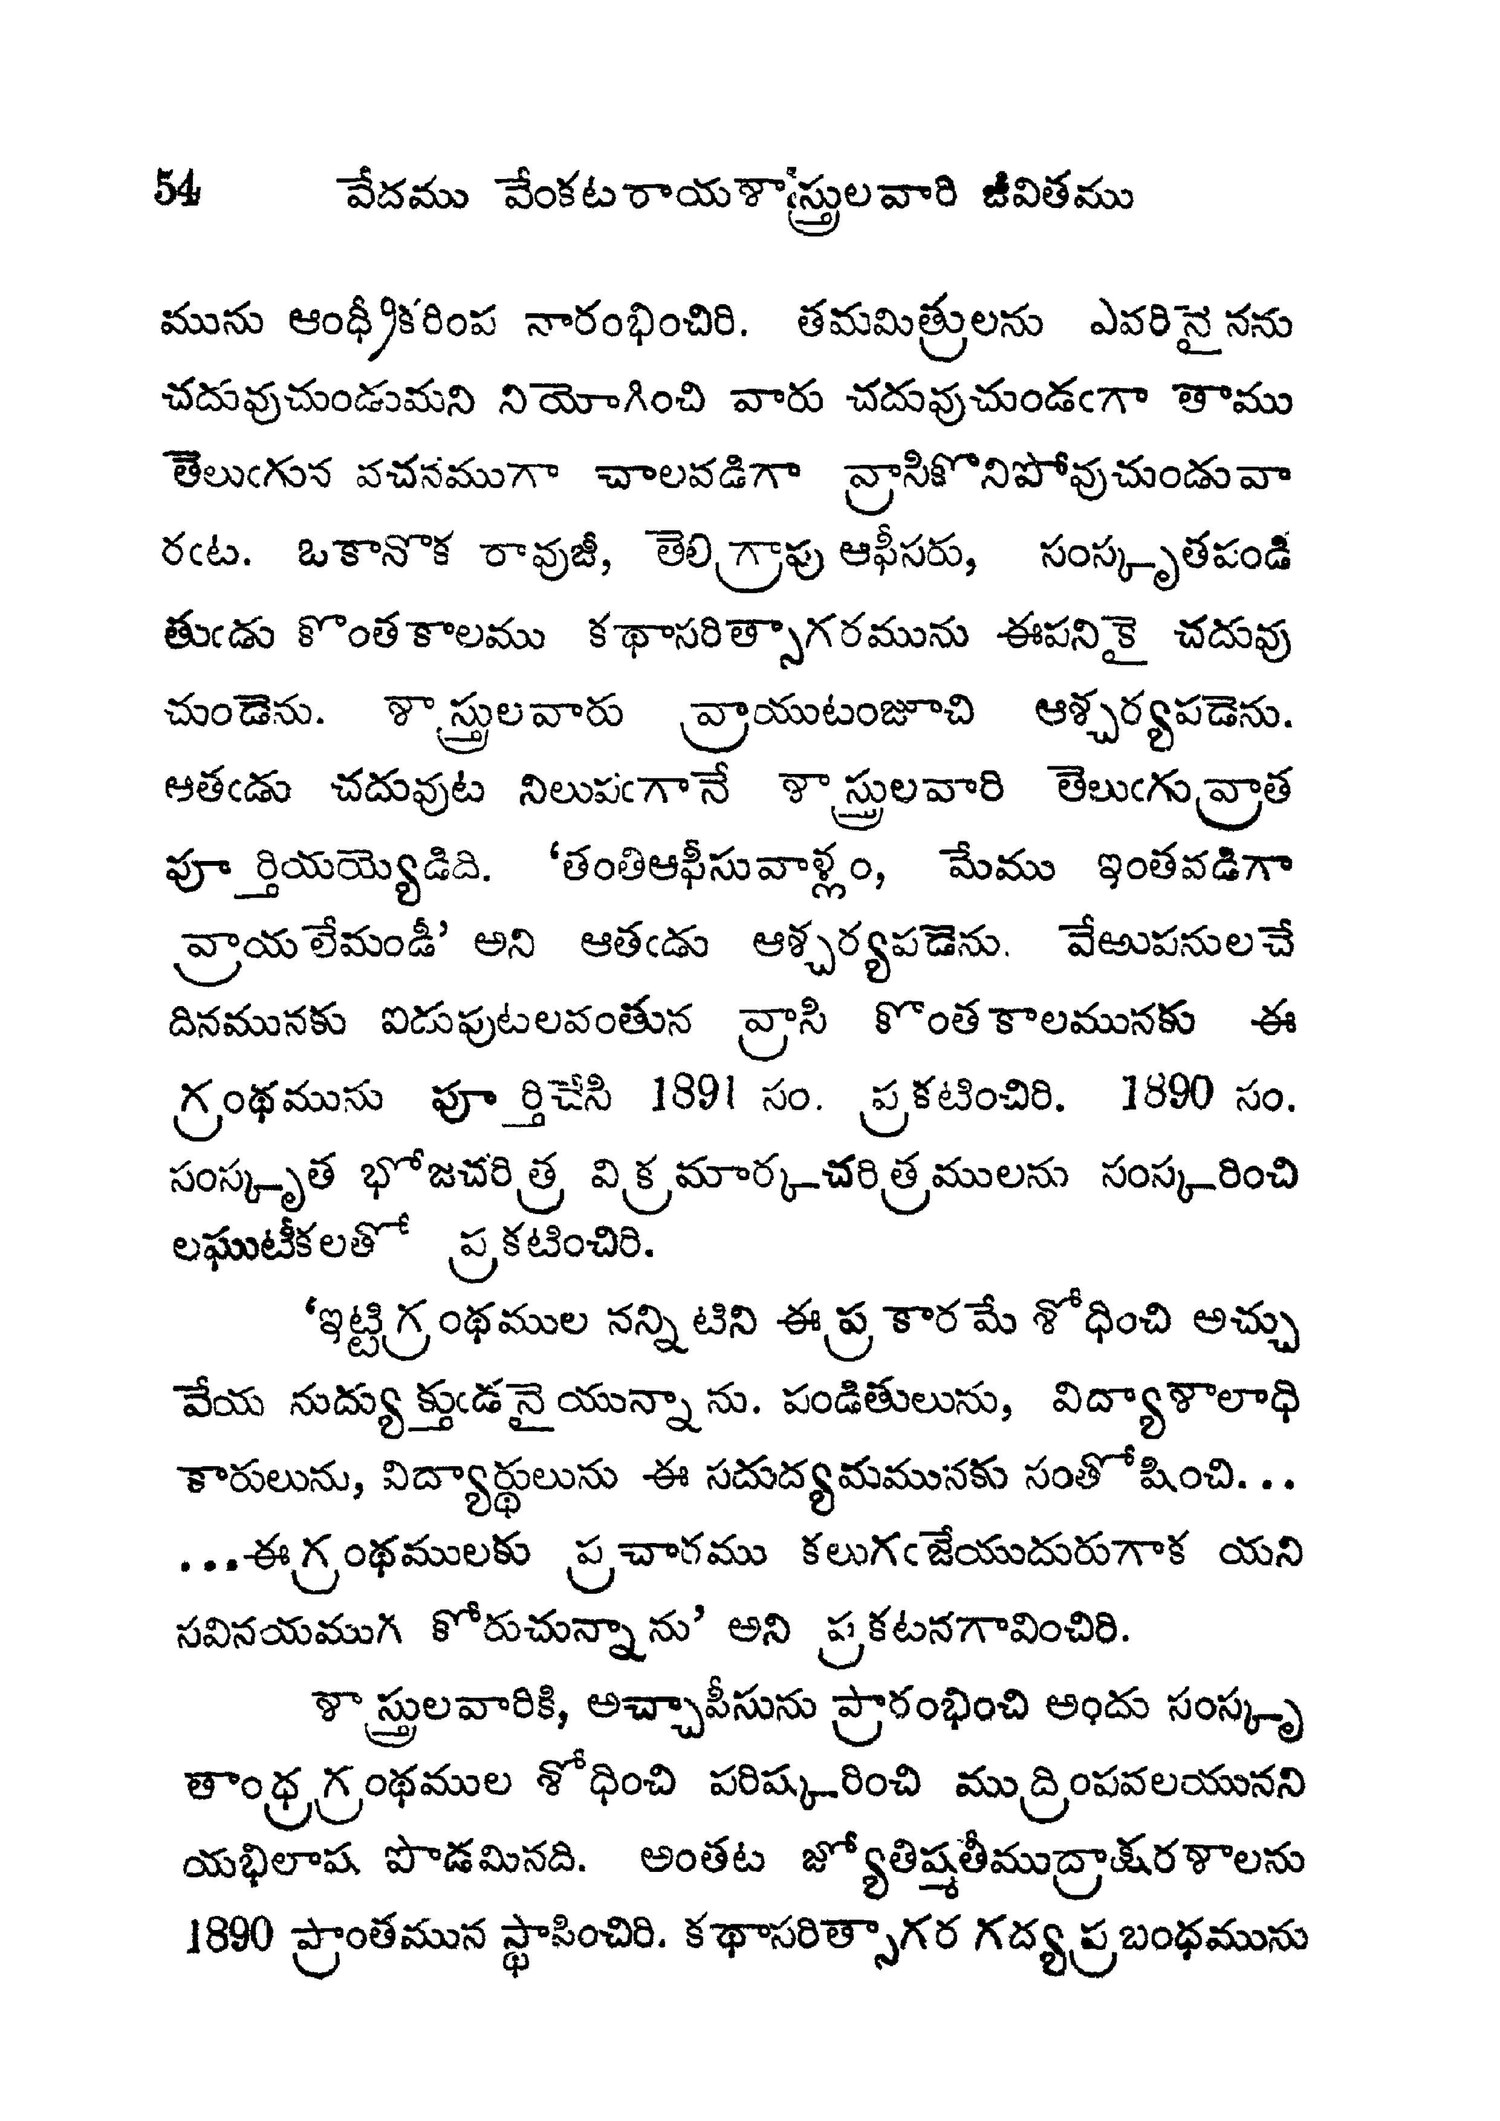మును ఆంధ్రీకరింప నారంభించిరి. తమమిత్రులను ఎవరినైనను చదువుచుండుమని నియోగించి వారు చదువుచుండగా తాము తెలుగున వచనముగా చాలవడిగా వ్రాసికొనిపోవుచుండువారట. ఒకానొక రావుజీ, తెలిగ్రాపు ఆఫీసరు, సంస్కృతపండితుడు కొంతకాలము కథాసరిత్సాగరమును ఈపనికై చదువుచుండెను. శాస్త్రులవారు వ్రాయుటంజూచి ఆశ్చర్యపడెను. ఆతడు చదువుట నిలుపగానే శాస్త్రులవారి తెలుగువ్రాత పూర్తియయ్యెడిది. 'తంతిఆఫీసువాళ్లం, మేము ఇంతవడిగా వ్రాయలేమండీ' అని ఆతడు ఆశ్చర్యపడెను. వేఱుపనులచే దినమునకు ఐదుపుటలవంతున వ్రాసి కొంతకాలమునకు ఈ గ్రంథమును పూర్తిచేసి 1891 సం. ప్రకటించిరి. 1890 సం. సంస్కృత భోజచరిత్ర విక్రమార్కచరిత్రములను సంస్కరించి లఘుటీకలతో ప్రకటించిరి.

'ఇట్టిగ్రంథములు నన్నిటిని ఈప్రకారమే శోధించి అచ్చువేయ నుద్యుక్తుడనైయున్నాను. పండితులును, విద్యాశాలాధికారులును, విద్యార్థులును ఈ సదుద్యమమునకు సంతోషించి........ఈగ్రంథములకు ప్రచారము కలుగజేయుదురుగాక యని సవినయముగ కోరుచున్నాను' అని ప్రకటనగావించిరి.

శాస్త్రులవారికి, అచ్చాపీసును ప్రారంబించి అందు సంస్కృతాంధ్రగ్రంథముల శోధించి పరిష్కరించి ముద్రింపవలయునని యభిలాష పొడమినది. అంతట జ్యోతిష్మతీముద్రాక్షరశాలను 1890 ప్రాంతమున స్థాపించిరి. కథాసరిత్సాగర గద్యప్రబంధమును